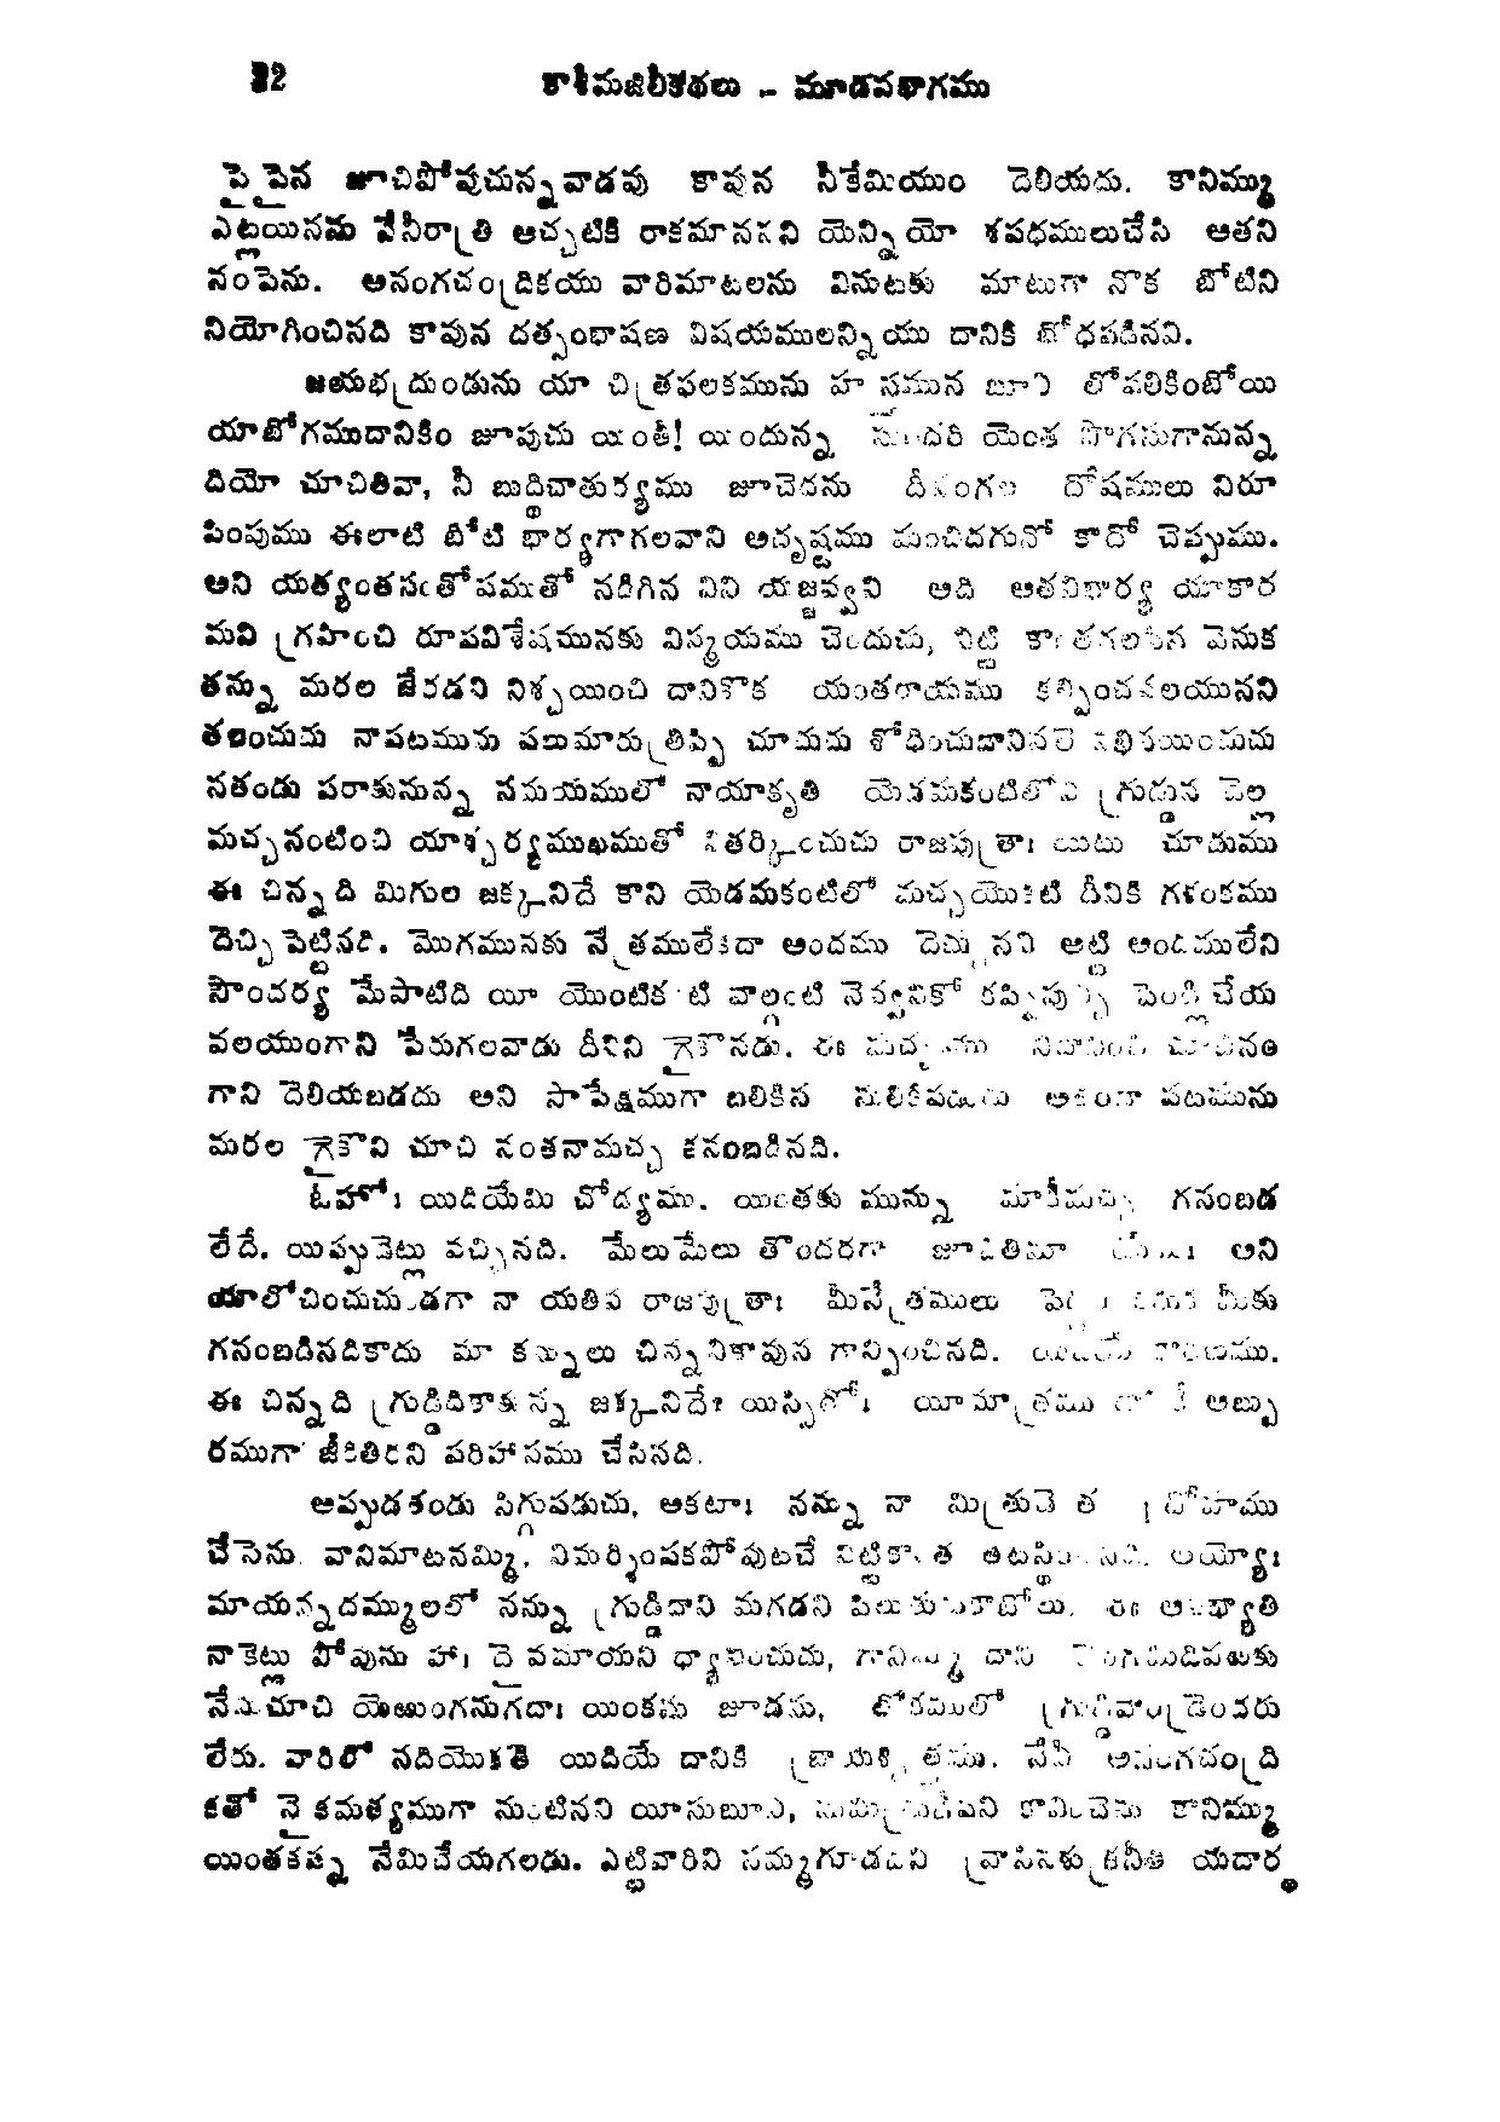పైపైన జూచిపోవుచున్నవాడవు కావున నీకేమియుం దెలియదు. కానిమ్ము ఎట్లయినను నేనీరాత్రి అచ్చటికి రాకమాననని యెన్నియో శపధములుచేసి ఆతని నంపెను. అనంగచంద్రికయు వారి మాటలను వినుటకు మాటుగా నొకబోటిని నియోగించినది కావున దత్సంభాషణవిషయములన్నియు దానికి బోధపడినవి.

జయభద్రుండును యా చిత్రఫలకమును హస్తమున బూని లోపలికింబోయి యాబోగముదానికిం జూపుచు యింతీ! యిందున్న సుందరి యెంత సొగసుగానున్నదియో చూచితివా. నీ బుద్ధిచాతుర్యము జూచెదను దీనంగల దోషములు నిరూపింపుము ఈలాటి బోటి భార్యగాగలవాని అదృష్టము మంచిదగునో కాదో చెప్పుము. అని యత్యంతసంతోషముతో నడిగిన విని యజ్జవ్వని అది ఆతనిభార్య యాకారమని గ్రహించి రూపవిశేషమునకు విస్మయము చెందుచు, నిట్టి కాంతగలసిన వెనుక తన్ను మరల జేరడని నిశ్చయించి దాని కొకయంతరాయము కల్పించవలయునని తలంచుచు నాపటమును పలుమారు త్రిప్పి చూచుచు శోధించుదానివలె నభినయించుచు నతండు పరాకునున్న సమయములో నాయాకృతి యెడమకంటిలోని గ్రుడ్డున దెల్ల మచ్చనంటించి యాశ్చర్యముఖముతో వితర్కించుచు రాజపుత్రా! యిటు చూడుము ఈ చిన్నది మిగుల జక్కనిదే కాని యెడమకంటిలో మచ్చయొకటి దీనికి గళంకము దెచ్చి పెట్టినది. మొగమునకు నేత్రములేకదా అందము దెచ్చునవి అట్టి అందములేని సౌందర్య మేపాటిది యీ యొంటికంటి వాల్గంటి నెవ్వనికో కప్పిపుచ్చి పెండ్లిచేయ వలయుంగాని పేరుగలవాడు దీనిని గైకొనడు. ఈ మచ్చయు నిదానంగ చూచినం గాని దెలియబడదు అని సాపేక్షముగా బలికిన నులికిపడుచు అతండా పటమును మరల గైకొని చూచి నంత నామచ్చ కనంబడినది.

ఓహో! యిది యేమి చోద్యము. యింతకు మున్ను మాకీమచ్చ గనంబడ లేదే. యిప్పు డెట్లు వచ్చినది. మేలుమేలు తొందరగా జూచితిమా యేమి? అని యాలోచించుచుండగా నా యతివ రాజపుత్రా! మీనేత్రములు పెద్దవి కనపక మీకు గనంబడినదికాదు మా కన్నులు చిన్నవి కావున గాన్పించినది. యిదియే కారణము. ఈ చిన్నది గ్రుడ్డిదికాకున్న జక్కనిదే! యిస్సిరో! యీమాత్రము దానికే అబ్బురముగా జీరితిరని పరిహాసము చేసినది.

అప్పు డతండు సిగ్గుపడుచు, అకటా! నన్ను నా మిత్రుడెంత ద్రోహము చేసెను. వానిమాట నమ్మి , విమర్శింపకపోవుటచే నిట్టికాంత తటస్థితించినది. అయ్యో! మాయన్నదమ్ములలో నన్ను గ్రుడ్డిదాని మగడని పిలుతురుకాబోలు. ఈ అపఖ్యాతి నాకెట్లు పోవును హా! దైవమాయని ధ్యానించుచు, గానిమ్ము దాని మొగమిదివఱకు నేనుచూచి యెఱుంగనుగదా! యింకను జూడను, లోకములో గ్రుడ్డివాండ్రెందరు
లేరు. వారిలో నదియొకతె యిదియే దానికి బ్రాయశ్చిత్తము. నే నీ అనంగచంద్రికతో నైకమత్యముగా నుంటినని యీసుబూని, సుమిత్రు డీపని కావించెను కానిమ్ము యింతకన్న నేమిచేయగలడు. ఎట్టివారిని నమ్మగూడదని వ్రాసినశుక్రనీతి యథార్థ